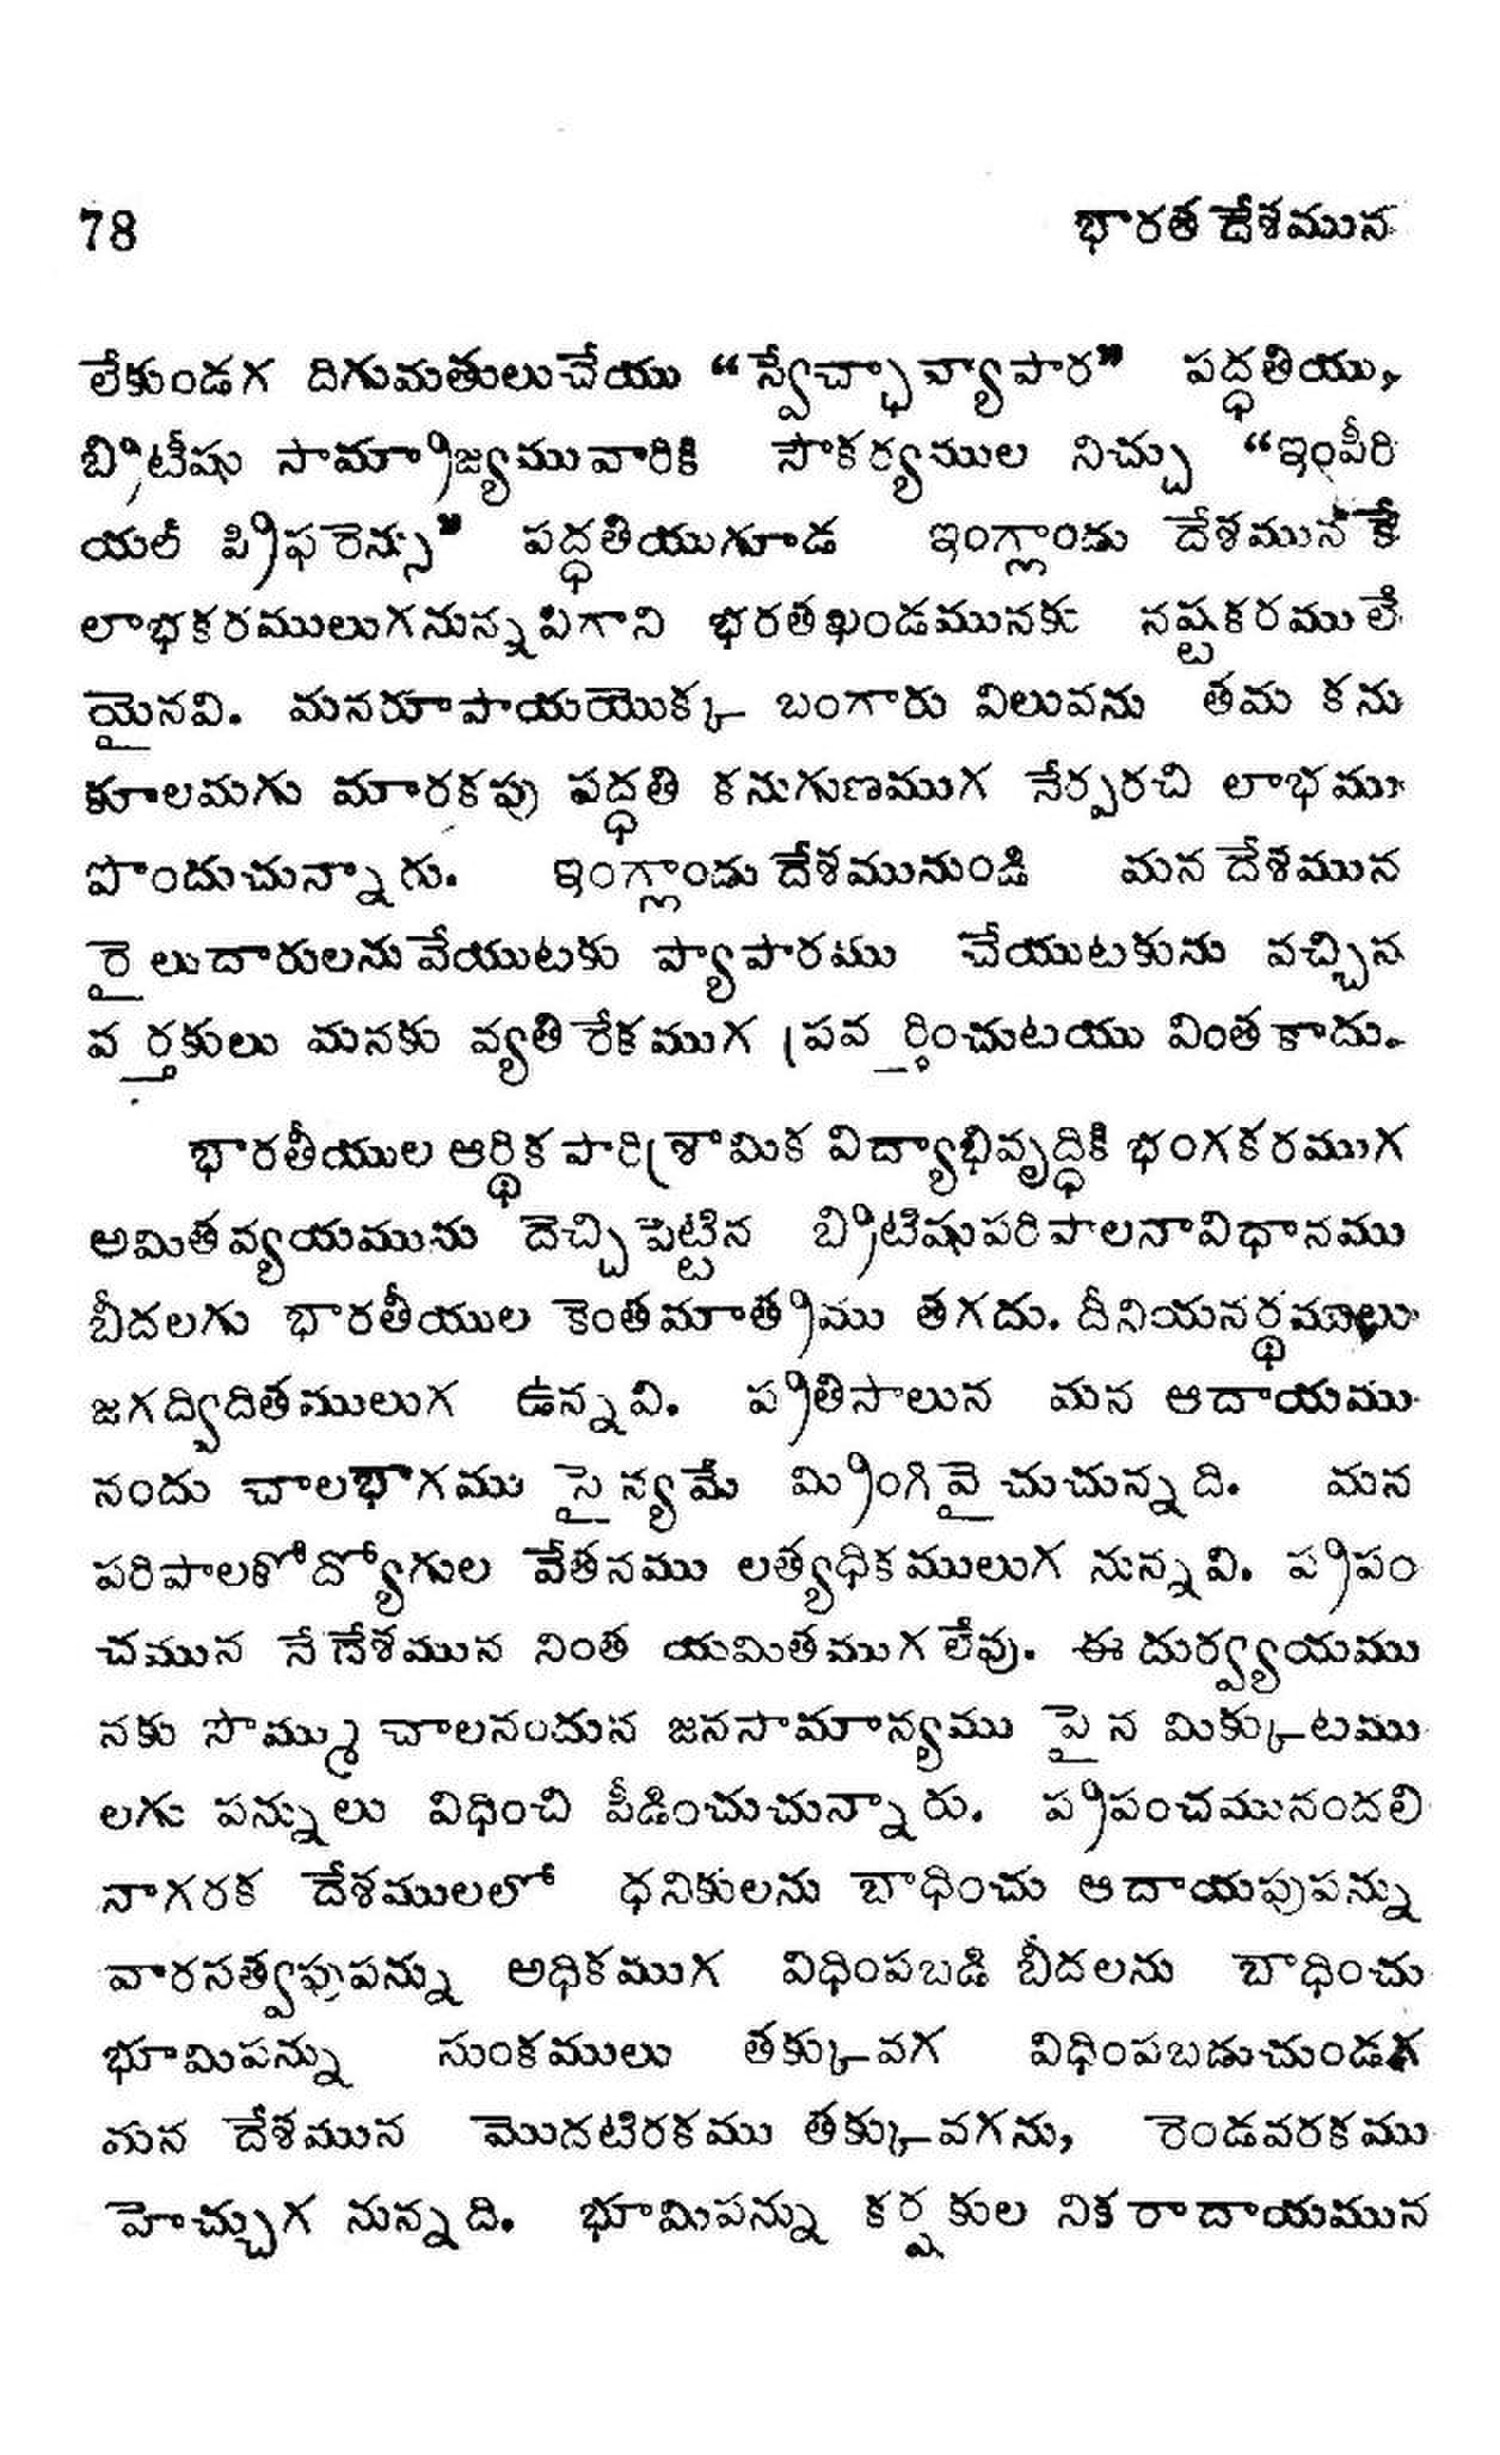లేకుండగ దిగుమతులుచేయు “ స్వేచ్ఛా వ్యాపార" పద్దతియు, బ్రిటీషు సామ్రాజ్యమువారికి సౌకర్యముల నిచ్చు "ఇంపీరియల్ ప్రిఫరెన్సు" పద్దతియుగూడ ఇంగ్లాండు దేశమునకే లాభకరములుగనున్నవిగాని భరతఖండమునకు నష్టకరములే యైనవి. మనరూపాయయొక్క బంగారు విలువను తమ కనుకూలమగు మారకపు పద్ధతి కనుగుణముగ నేర్పరచి లాభము పొందుచున్నారు. ఇంగ్లాండుదేశమునుండి మనదేశమున రైలుదారులనువేయుటకు ప్యాపారము చేయుటకును వచ్చిన వర్తకులు మనకు వ్యతిరేకముగ ప్రవర్తించుటయు వింతకాదు.

భారతీయుల ఆర్థిక పారిశ్రామిక విద్యాభివృద్ధికి భంగకరముగ అమితవ్యయమును దెచ్చిపెట్టిన బ్రిటిషుపరిపాలనా విధానము బీదలగు భారతీయుల కెంతమాత్రము తగదు. దీనియనర్థములు జగద్విదితములుగ ఉన్నవి. ప్రతిసాలున మన ఆదాయమునందు చాలభాగము సైన్యమే మ్రింగివైచుచున్నది. మన పరిపాలకోద్యోగుల వేతనము లత్యధికములుగ నున్నవి. ప్రపంచమున నేదేశమున నింత యమితముగ లేవు. ఈ దుర్వ్యయమునకు సొమ్ము చాలనందున జనసామాన్యము పైన మిక్కుటములగు పన్నులు విధించి పీడించుచున్నారు. ప్రపంచమునందలి నాగరక దేశములలో ధనికులను బాధించు ఆదాయపుపన్ను వారసత్వపుపన్ను అధికముగ విధింపబడి బీదలను బాధించు భూమిపన్ను సుంకములు తక్కువగ విధింపబడుచుండగ మన దేశమున మొదటిరకము తక్కువగను, రెండవరకము హెచ్చుగ నున్నది. భూమిపన్ను కర్షకుల నికరాదాయమున